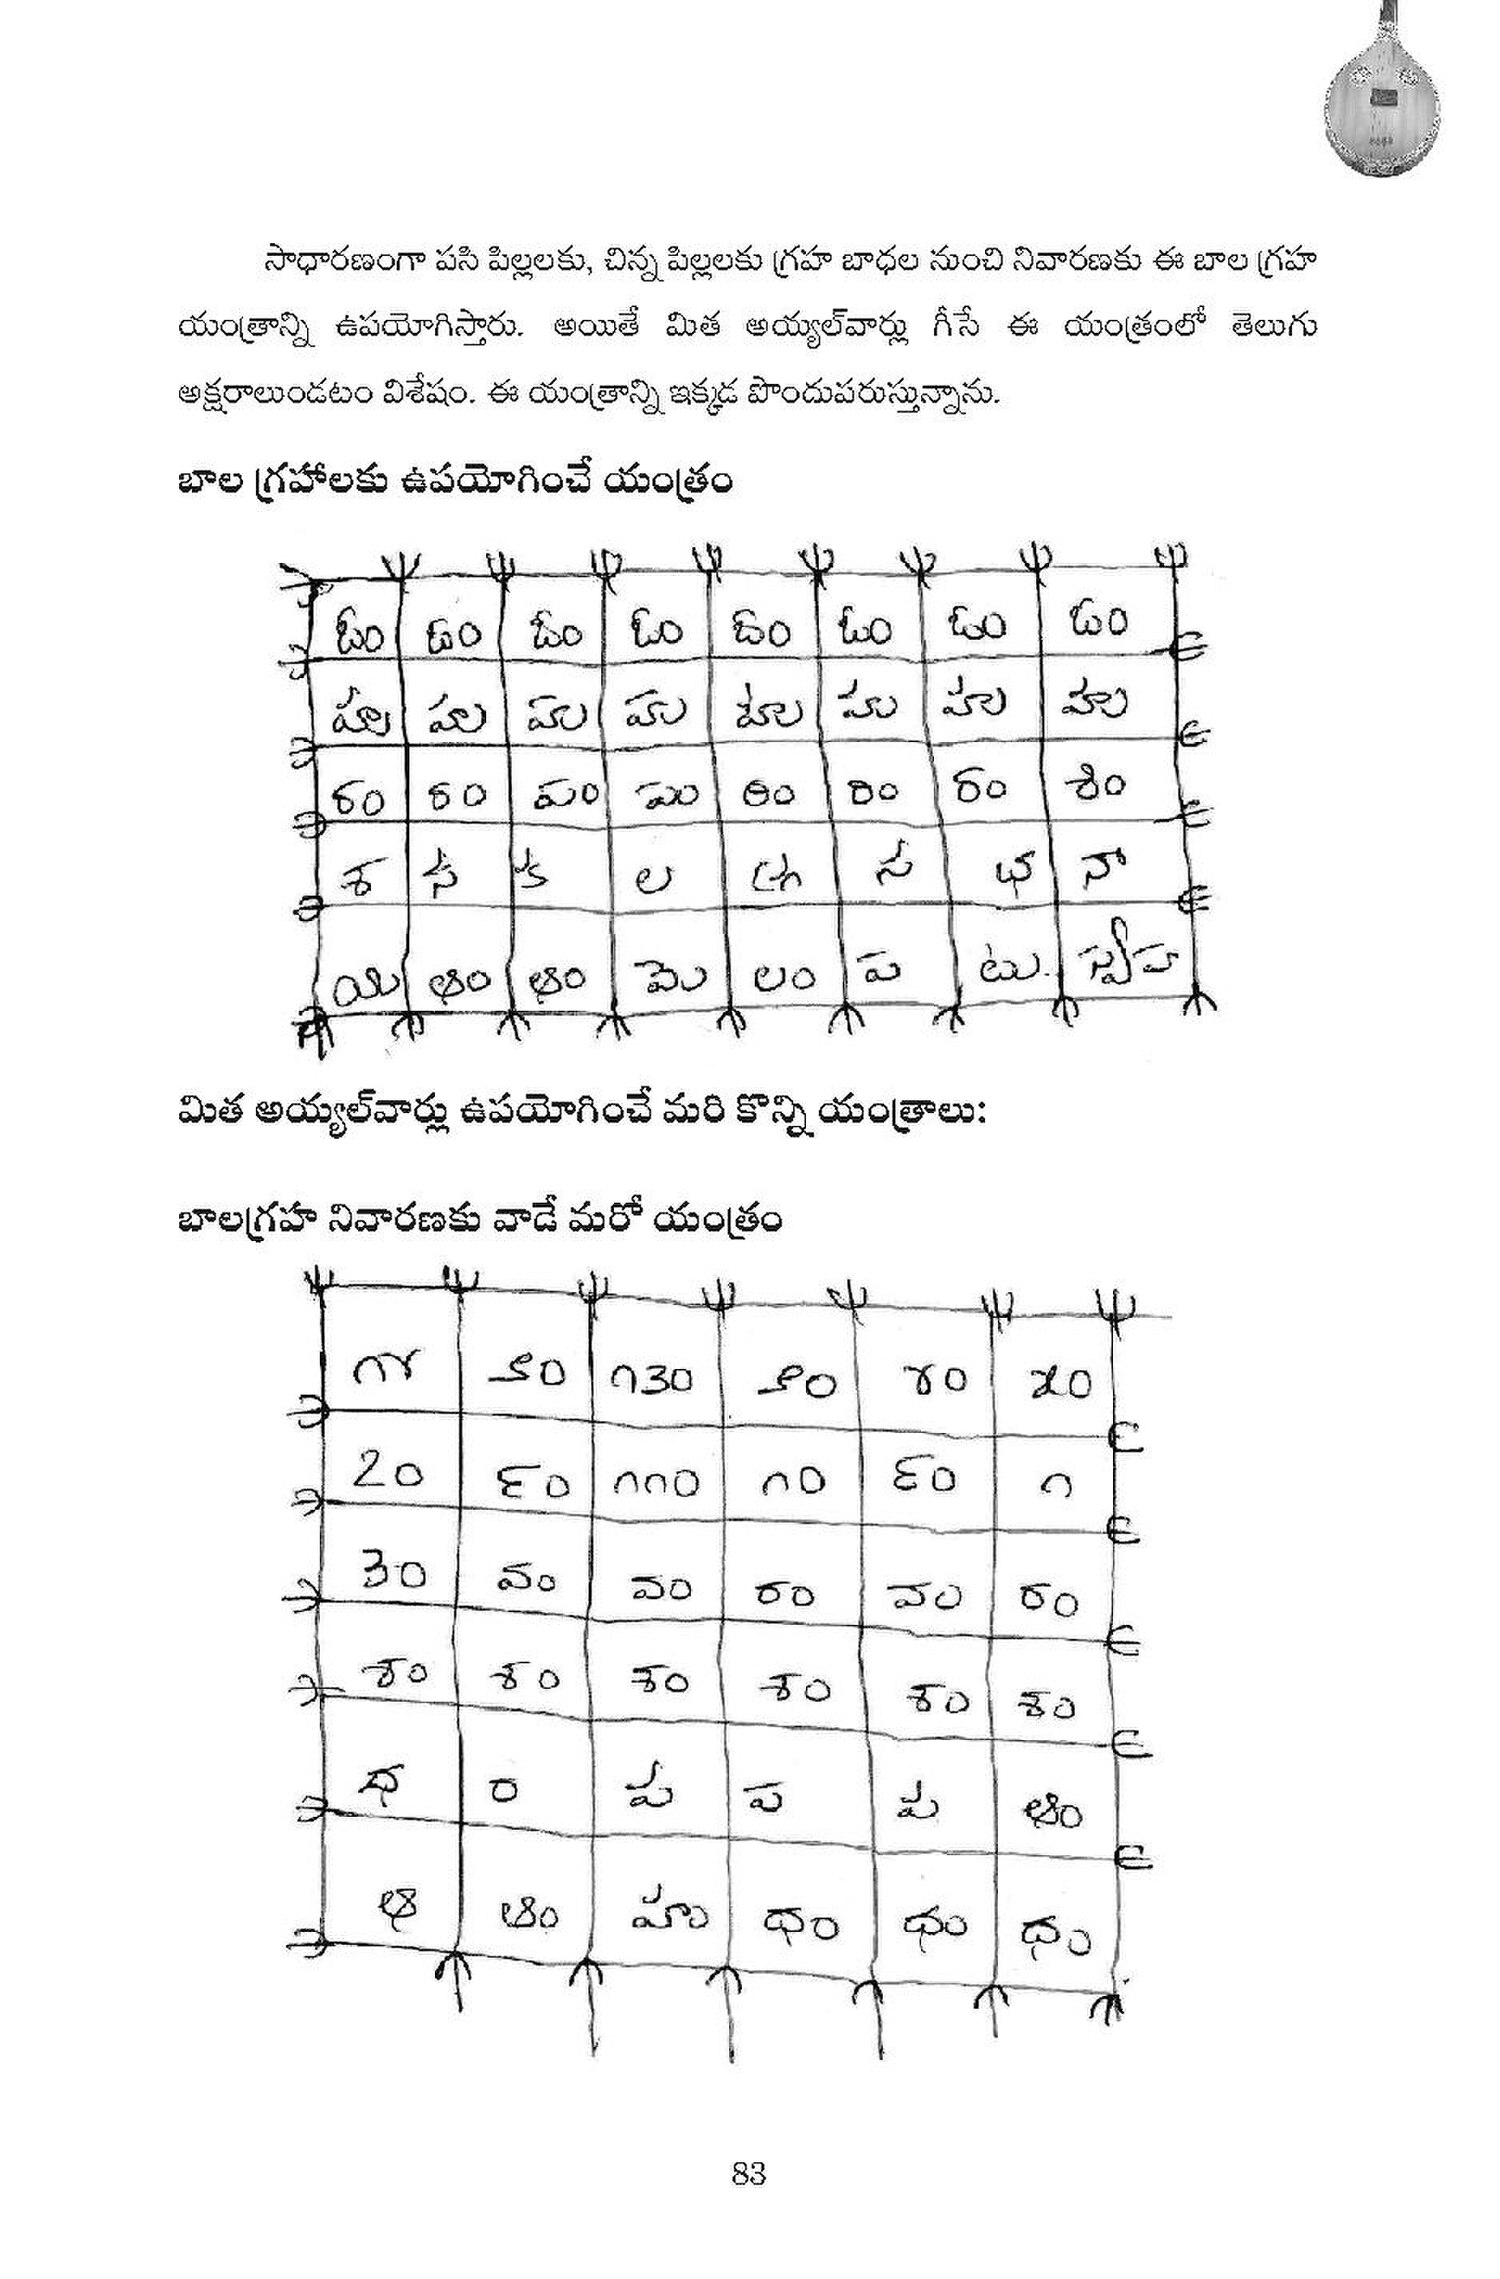సాధారణంగా పసి పిల్లలకు, చిన్న పిల్లలకు గ్రహ బాధల నుంచి నివారణకు ఈ బాల గ్రహ యంత్రాన్ని ఉపయోగిస్తారు. అయితే మిత అయ్యల్వార్లు గీసే ఈ యంత్రంలో తెలుగు అక్షరాలుండటం విశేషం. ఈ యంత్రాన్ని ఇక్కడ పొందుపరుస్తున్నాను.

బాల గ్రహాలకు ఉపయోగించే యంత్రం 

మిత అయ్యల్వార్లు ఉపయోగించే మరి కొన్ని యంత్రాలు:

బాలగ్రహ నివారణకు వాడే మరో యంత్రం